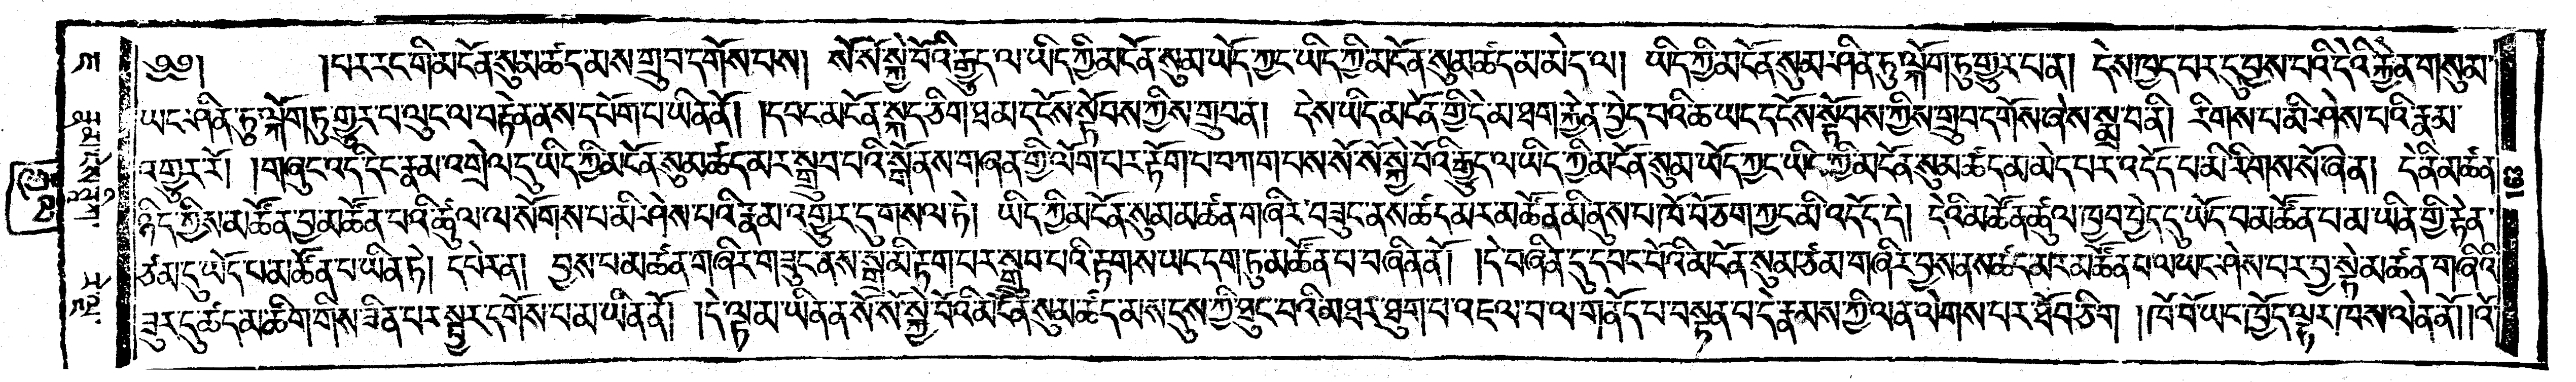༄༅། །པར་རང་གི་མངོན་སུམ་ཚད་མས་གྲུབ་དགོས་པས། སོ་སོ་སྐྱེ་བོའི་རྒྱུད་ལ་ཡིད་ཀྱི་མངོན་སུམ་ཡོད་ཀྱང་ཡིད་ཀྱི་མངོན་སུམ་ཚད་མ་མེད་ལ། ཡིད་ཀྱི་མངོན་སུམ་ཤིན་ཏུ་ལྐོག་ཏུ་གྱུར་པ་ན། དེས་ཁྱད་པར་དུ་བྱས་པའི་དེའི་རྐྱེན་གསུམ་
ཡང་ཤིན་ཏུ་ལྐོག་ཏུ་གྱུར་པ་ལུང་ལ་བརྟེན་ནས་དཔོག་པ་ཡིན་ནོ། །དབང་མངོན་སྐད་ཅིག་ཐ་མ་དངོས་སྟོབས་ཀྱིས་གྲུབ་ན། དེས་ཡིད་མངོན་གྱི་དེ་མ་ཐག་རྐྱེན་བྱེད་པའི་ཆ་ཡང་དངོས་སྟོབས་ཀྱིས་གྲུབ་དགོས་ཞེས་སྨྲ་བ་ནི། རིགས་པ་མི་ཤེས་པའི་རྣམ་
འགྱུར་རོ། །གཞུང་འདི་དང་རྣམ་འགྲེལ་དུ་ཡིད་ཀྱི་མངོན་སུམ་ཚད་མར་སྒྲུབ་པའི་སྒོ་ནས་གཞན་གྱི་ལོག་པར་རྟོག་པ་བཀག་པས་སོ་སོ་སྐྱེ་བོའི་རྒྱུད་ལ་ཡིད་ཀྱི་མངོན་སུམ་ཡོད་ཀྱང་ཡིད་ཀྱི་མངོན་སུམ་ཚད་མ་མེད་པར་འདོད་པ་མི་རིགས་སོ་ཞེ་ན། དེ་ནི་མཚན་
ཉིད་ཀྱིས་མཚོན་བྱ་མཚོན་པའི་ཚུལ་ལ་སོགས་པ་མི་ཤེས་པའི་རྣམ་འགྱུར་དུ་གསལ་ཏེ། ཡིད་ཀྱི་མངོན་སུམ་མཚན་གཞིར་བཟུང་ནས་ཚད་མར་མཚོན་མི་ནུས་པ་ཁོ་བོ་ཅག་ཀྱང་མི་འདོད་དེ། དེའི་མཚོན་ཚུལ་ཁྱབ་བྱེད་དུ་ཡོད་པ་མཚོན་པ་མ་ཡིན་གྱི་རྟེན་
ཙམ་དུ་ཡོད་པ་མཚོན་པ་ཡིན་ཏེ། དཔེར་ན། བྱས་པ་མཚན་གཞིར་གཟུང་ནས་སྒྲ་མི་རྟག་པར་སྒྲུབ་པའི་རྟགས་ཡང་དག་ཏུ་མཚོན་པ་བཞིན་ནོ། །དེ་བཞིན་དུ་དབང་པོའི་མངོན་སུམ་ཙམ་གཞིར་བྱས་ནས་ཚད་མར་མཚོན་པ་ལ་ཡང་ཤེས་པར་བྱ་སྟེ་མཚན་གཞིའི་
ཟུར་དུ་ཚད་མ་ཚིག་གིས་ཟིན་པར་སྦྱར་དགོས་པ་མ་ཡིན་ནོ། །དེ་ལྟ་མ་ཡིན་ན་སོ་སོ་སྐྱེ་བོའི་མངོན་སུམ་ཚད་མས་དུས་ཀྱི་ཐུང་བའི་མཐར་ཐུག་པ་འཇལ་བ་ལ་གནོད་པ་བསྟན་པ་དེ་རྣམས་ཀྱི་ལན་ལེགས་པར་ཐོབ་ཅིག །ཁོ་བོ་ཡང་ཁྱོད་ལྟར་ཁས་ལེན་ནོ། །འོ་